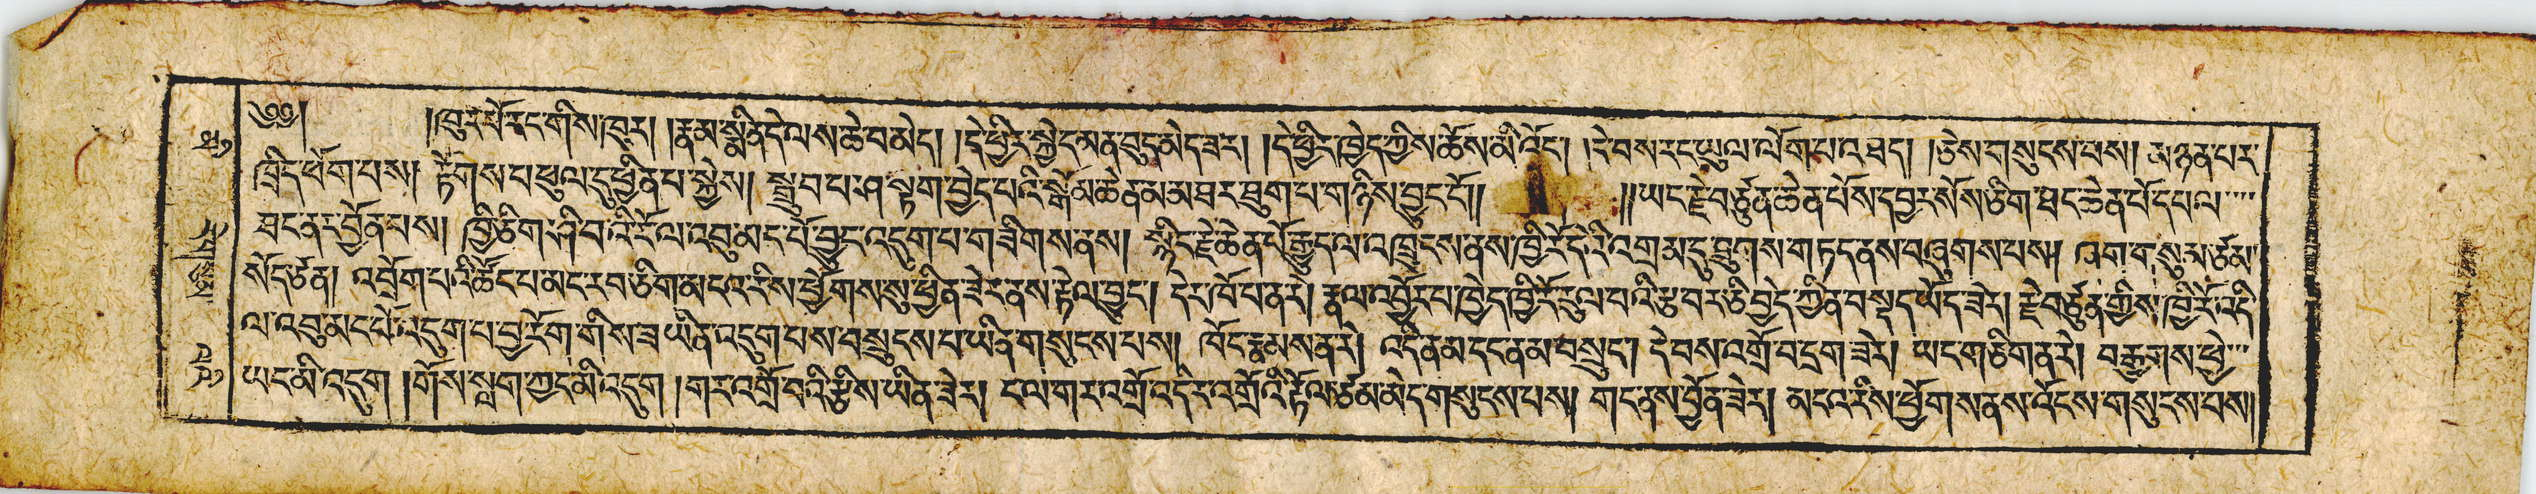ཁུར་པོ་རང་གིས་ཁུར། །རྣམ་སྨིན་དེ་ལས་ཆེ་བ་མེད། །དེ་ཕྱིར་སྐྱེ་དམན་བུད་མེད་ཟེར། །དེ་ཕྱིར་ཁྱེད་ཀྱིས་ཆོས་མི་འོང་། །དེ་བས་རང་ཡུལ་ལོག་པ་འཐད། །ཅེས་གསུངས་པས། མ་ཉན་པར་
ཁྲིད་ཕོག་པས། རྟོགས་པ་ཕུལ་ཕྱིན་པ་སྐྱེས། སྒྲུབ་པ་ཤ་སྟག་བྱེད་པའི་སྒོམ་ཆེན་མ་མཐར་ཐུག་པ་གཉིས་བྱུང་ངོ་།། ཡང་རྗེ་བཙུན་ཆེན་པོས་དབྱར་སོས་གཅིག་ཐང་ཆེན་པོ་དཔལ་
ཐང་ནང་བྱོན་པས། ཁྱི་ཅིག་ཤི་བའི་རོ་ལ་འབུ་མང་པོ་བྱུང་འདུག་པ་གཟིགས་ནས། སྙིང་རྗེ་ཆེན་པོ་རྒྱུད་ལ་འཁྲུངས་ནས་ཁྱི་རོ་དེའི་འགྲམ་དུ་ཐུགས་གཏད་ནས་བཞུགས་པས། ཞག་གསུམ་ཙམ་
སོང་ཙ་ན། འབྲོག་པའི་ཚོང་པ་མང་རབ་ཅིག་མངའ་རིས་ཕྱོགས་སུ་ཕྱིན་ཟེར་ནས་རྟེལ་བྱུང་། དེར་ཁོ་པ་ན་རེ། རྣལ་འབྱོར་པ་ཁྱེད་ཁྱི་རོ་རུལ་བའི་རྩ་བར་ཅི་བྱེད་ཀྱིན་བསྡད་ཡོད་ཟེར། རྗེ་བཙུན་གྱིས་ཁྱི་རོ་འདི་
ལ་འབུ་མང་པོ་འདུག་པ་བྱ་རོག་གིས་ཟ་ཡིན་འདུག་པས་བསྲུངས་པ་ཡིན་གསུངས་པས། ཁོང་རྣམས་ན་རེ། འདི་ནམ་དང་ནམ་བསྲུང་། དེ་བས་འགྲོ་བ་དྲག་ཟེར། ཡང་གཅིག་ན་རེ། བརྒྱགས་ཕྱེ་
ཡང་མི་འདུག །གོས་སླག་ཀྱང་མི་འདུག །གར་འགྲོ་བའི་རྩིས་ཡིན་ཟེར། ང་ལ་གར་འགྲོ་འདིར་འགྲོའི་རྟོལ་ཙམ་མེད་གསུངས་པས། གང་ནས་བྱོན་ཟེར། མངའ་རིས་ཕྱོགས་ནས་འོངས་གསུངས་པས།